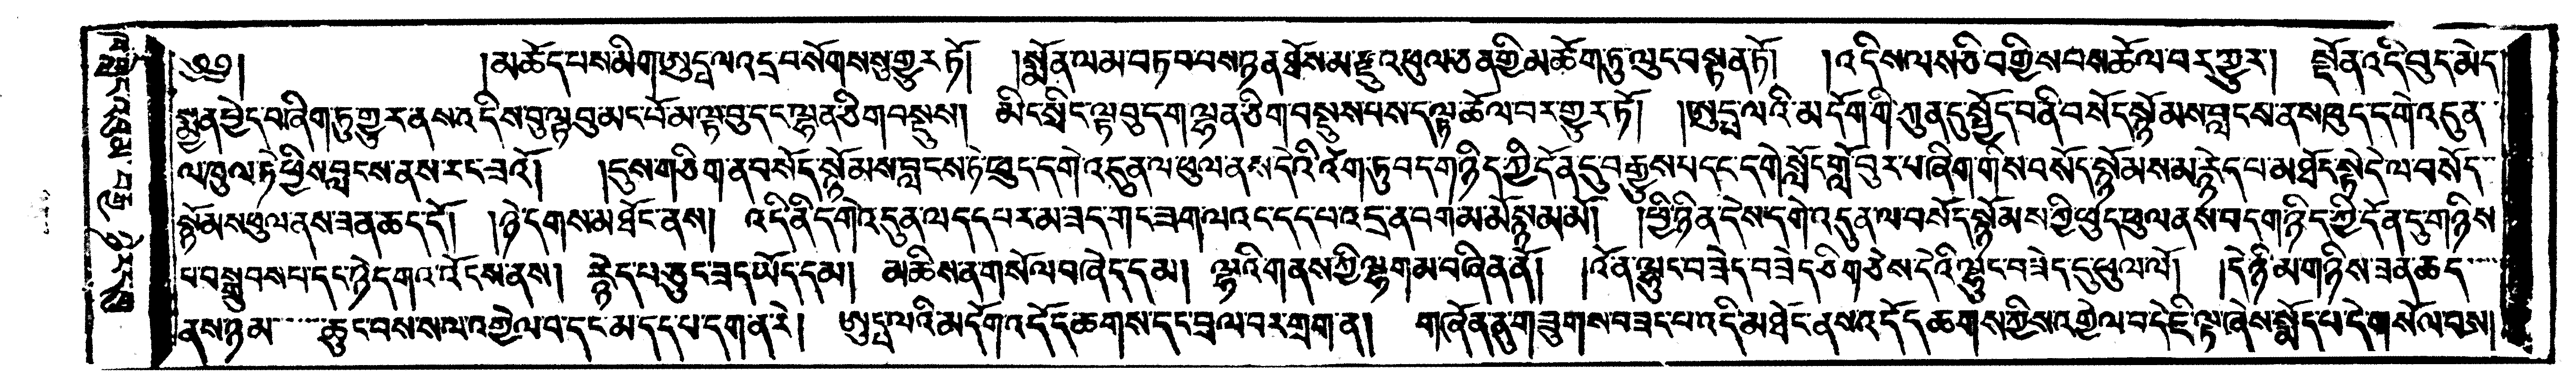༄༅། །མཆོད་པས་མིག་ཨུདཔ་ལ་འདྲ་བ་སོགས་སུ་གྱུར་ཏོ། །སྨོན་ལམ་བཏབ་པས་ཉན་ཐོས་མ་རྫུ་འཕྲུལ་ཅན་གྱི་མཆོག་ཏུ་ལུང་བསྟན་ཏོ། །འདིས་ལས་ཅི་བགྱིས་བས་ཆོལ་བར་གྱུར། སྔོན་འདི་བུད་མེད་
སྨྱན་བྱེད་བ་ཞིག་ཏུ་གྱུར་ནས་འདིས་བུ་ལྟ་བུ་མང་པོ་མ་ལྟ་བུ་དང་ལྷན་ཅིག་བསྡུས། མིང་སྲིང་ལྟ་བུ་དག་ལྷན་ཅིག་བསྡུས་པས་ད་ལྟ་ཆོལ་བར་གྱུར་ཏོ། །ཨུདཔ་ལའི་མདོག་གི་ཀུན་དུ་སྤྱོད་པ་ནི་བསོད་སྙོམས་བླངས་ནས་ཁུད་དགེ་འདུན་
ལ་ཁུལ་ཏེ་ཕྱིས་བླངས་ནས་རང་ཟའོ། །དུས་གཅིག་ན་བསོད་སྙོམས་བླངས་ཏེ་ཕུད་དགེ་འདུན་ལ་ཕུལ་ནས་དེའི་འོག་ཏུ་བདག་ཉིད་ཀྱི་དོན་དུ་བརྒྱུས་པ་དང་དགེ་སློང་གློ་བུར་པ་ཞིག་གིས་བསོད་སྙོམས་མ་རྙེད་པ་མཐོང་སྟེ་དེ་ལ་བསོད་
སྙོམས་ཕུལ་ནས་ཟན་ཆད་དོ། །ཉེ་དགས་མཐོང་ནས། འདི་ནི་དགེ་འདུན་ལ་དད་པར་མ་ཟད་གང་ཟག་ལའང་དད་པ་འདྲ་ན་བག་མ་མོ་སྙམ་མོ། །ཕྱི་ཉིན་དེས་དགེ་འདུན་ལ་བསོད་སྙོམས་ཀྱི་ཕུད་ཕུལ་ནས་བདག་ཉིད་ཀྱི་དོན་དུ་གཉིས་
པ་བསྒྲུབས་པ་དང་ཉེ་དགའ་འོངས་ནས། རྙེད་པ་ཅུང་ཟད་ཡོད་དམ། མཆིས་ན་གསོལ་བཞེད་དམ། ལྷའི་གནས་ཀྱི་ལྷག་མ་བཞིན་ནོ། །འོ་ན་ལྷུང་བཟེད་བཟེད་ཅིག་ཅེས་དེའི་ལྷུང་བཟེད་དུ་ཕུལ་ལོ། །དེ་ཉི་མ་གཉིས་ཟན་ཆད་
ནས་ཉམ་ཆུང་བས་ས་ལ་འགྱེལ་བ་དང་མ་དད་པ་དག་ན་རེ། ཨུདཔ་ལའི་མདོག་འདོད་ཆགས་དང་བྲལ་བར་གྲག་ན། གཞོན་ནུ་གཟུགས་བཟང་པ་འདི་མཐོང་ནས་འདོད་ཆགས་ཀྱིས་འགྱེལ་བ་དེ་ཇི་ལྟ་ཞེས་སྨོད་པ་དེ་གསོལ་བས།